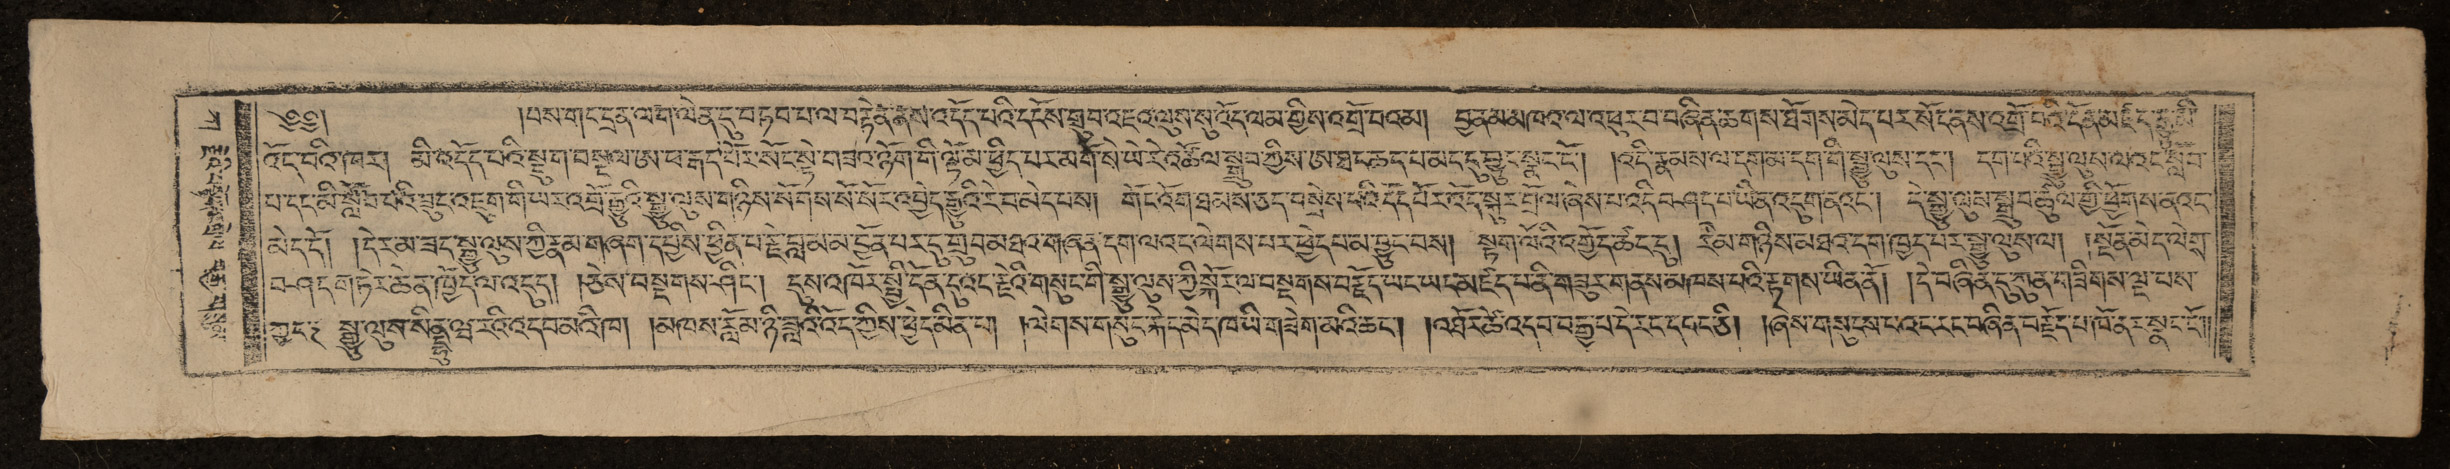༄༅། །བས་གང་དྲན་ལག་ལེན་དུ་བཏབ་པ་ལ་བརྟེན་ནས་འདོད་པའི་དངོས་གྲུབ་འཇའ་ལུས་སུ་འོད་ལམ་ཀྱིས་འགྲོ་བའམ། བྱ་ནམ་མཁའ་ལ་འཕུར་བ་བཞིན་ཆགས་ཐོགས་མེད་པར་སོང་ནས་འགྲོ་བའི་དོན་མཛད་རྒྱུ་མ་
འོང་བའི་ཁར། མི་འདོད་པའི་སྡུག་བསྔལ་ཨ་ཕ་རྒད་པོར་སོང་སྟེ་གཟའ་ཉོག་གི་ལྟོ་མ་ཕྱིད་བར་མགོ་སེ་ཡེ་རེ་འཚོལ་སྒྲུབ་ཀྱིས་ཨ་ཐང་ཆད་པ་བར་དུ་བྱུང་སྣང་ངོ། །འདི་རྣམས་ལ་དག་མ་དག་གི་སྒྱུ་ལུས་དང་། དག་པའི་སྒྱུ་ལུས་ལའང་སློབ་
པ་ངང་མི་སློབ་བའི་ཟུང་འཇུག་གི་ཡར་འགྲོ་རྒྱུའི་སྒྱུ་ལུས་གཉིས་སོགས་སོ་སོར་འབྱེད་རྒྱུའི་རེ་བ་མེད་པས། གོང་འོག་ཐམས་ཅད་བསྲེས་པའི་དོང་པོར་འོད་སྐུ་འགྲོལ་ཞེས་པ་འདི་བཤད་པ་ཡིན་འདུག་ནའང་། དེ་སྒྱུ་ལུས་སྒྲུབ་ཚུལ་གྱི་ཕྱོགས་ནའང་
མེད་དོ། །དེར་མ་ཟད་སྒྱུ་ལུས་ཀྱི་རྣམ་གཞག་དཔྱིས་ཕྱིན་པ་རྗེ་བླ་མ་མ་བྱོན་པར་དུ་གྲུབ་མཐའ་གཞན་དག་ལའང་ལེགས་པར་ཕྱེད་པ་མ་བྱུང་བས། སྟག་ལོའི་འགྱོད་ཚང་དུ། རིམ་གཉིས་མཐའ་དག་ཁྱད་པར་སྒྱུ་ལུས་ལ། །སྔོན་མེད་ལེགས་
བཤད་གཏེར་ཆེན་ཁྱོད་ལ་འདུད། །ཅེས་བསྔགས་ཤིང་། དུས་འཁོར་སྤྱི་དོན་དུའང་རྗེའི་གསུང་གི་སྒྱུ་ལུས་ཀྱི་སྐོར་ལ་བསྔགས་བརྗོད་ཡང་ཡང་མཛད་པ་ནི་གཟུར་གནས་མཁས་པའི་རྟགས་ཡིན་ནོ། །དེ་བཞིན་དུ་ཀུན་གཟིགས་ལྔ་པས་
ཀྱང༑ སྒྱུ་ལུས་སིནྡྷུ་ཝ་རའི་འདབ་མའི་ཁ། །མཁས་རློམ་ཉི་ཟླའི་འོད་ཀྱིས་ཕྱེད་མིན་པ། ལེགས་གསུང་རྐེད་མེད་ཁ་ཡིག་གཟེགས་མའི་ཆང་། །འཐོར་ཚེ་འདབ་བརྒྱབ་དེ་རང་དབང་ཅི། །ཞེས་གསུངས་པའང་རང་བཞིན་བརྗོད་པ་ཁོ་ནར་སྣང་ངོ།།